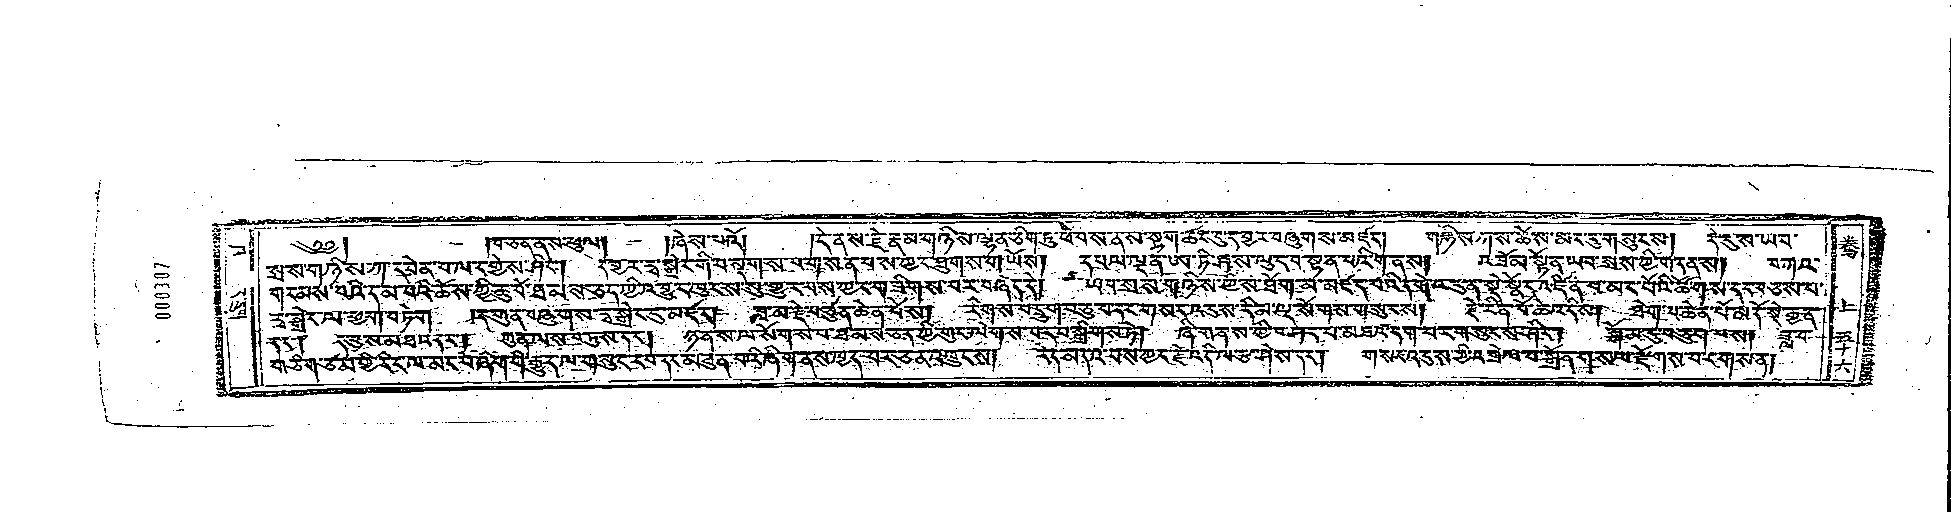༄༅། །བ་ཅན་ནས་ཕུལ། །ཞེས་པའོ། །དེ་ནས་རྗེ་རྣམ་གཉིས་ལྷན་ཅིག་ཏུ་ཕེབས་ནས་སྟག་ཚང་དུ་དབྱར་བཞུགས་མཛད། གཉིས་ཀས་ཚེས་མང་དུ་གསུངས། དེ་དུས་ཡབ་
སྲས་གཉིས་ཀ་དབེན་པ་ལ་དགྱེས་ཤིང་། དབྱར་རྭ་སྒྲེང་གི་བསྔགས་པ་གསན་པས་ཀྱང་ཐུགས་གཡོས། དཔལ་ལྡན་ཨ་ཏི་ཤས་ལུང་བསྟན་པའི་གནས། འབྲོམ་སྟོན་ཡབ་སྲས་ཀྱི་གདན་ས། བཀའ་
གདམས་པའི་དམ་པའི་ཆོས་ཀྱི་ཆུ་བོ་ཐམས་ཅད་ཀྱི་འབྱུང་ཁུངས་སུ་གྱུར་པས་ཀྱང་གཟིགས་པར་བཞེད་དེ། ཡབ་སྲས་གཉིས་ཀྱིས་ཐོག་མ་མཛད་པའི་དགེ་འདུན་སྡེ་སྣོད་འཛིན་པ་མང་པོའི་ཚོགས་དང་བཅས་པ་
རྭ་སྒྲེང་ལ་ཕྱག་བཏེག །དགུན་བཞུགས་རྭ་སྒྲེང་དུ་མཛད། བླ་མ་རྗེ་བཙུན་ཆེན་པོས། རིགས་པ་དྲུག་བཅུ་པ་དང་གསང་འདུས་རིམ་ལྔ་སོགས་གསུངས། རྗེ་རིན་པོ་ཆེ་འདིས། ཐེག་པ་ཆེན་པོ་མདོ་སྡེ་རྒྱན་
དང་། དབུས་མཐའ་དང་། ཀུན་ལས་བཏུས་དང་། ཉན་ས་ལ་སོགས་པ་ཐམས་ཅད་ཀྱི་གུང་ལེགས་པར་བསྒྲིགས་ཏེ། ཞི་གནས་ཀྱི་བཤད་པ་མཐའ་དག་པར་གསུངས་ཤིང་། སྒོམ་དུ་བཅུག་པས། ཟླ་བ་
གཅིག་ཙམ་གྱི་རིང་ལ་མང་པོ་ཞིག་གི་རྒྱུད་ལ་གསུང་རབ་དང་མཐུན་པའི་ཞི་གནས་ཁྱད་པར་ཅན་འཁྲུངས། རེད་མདའ་པས་ཀྱང་རྗེ་འདི་ལ་རྩ་ཤེས་དང་། གསང་འདུས་ཀྱི་འགྲེལ་པ་སྒྲོན་གསལ་རྫོགས་པར་གསན།